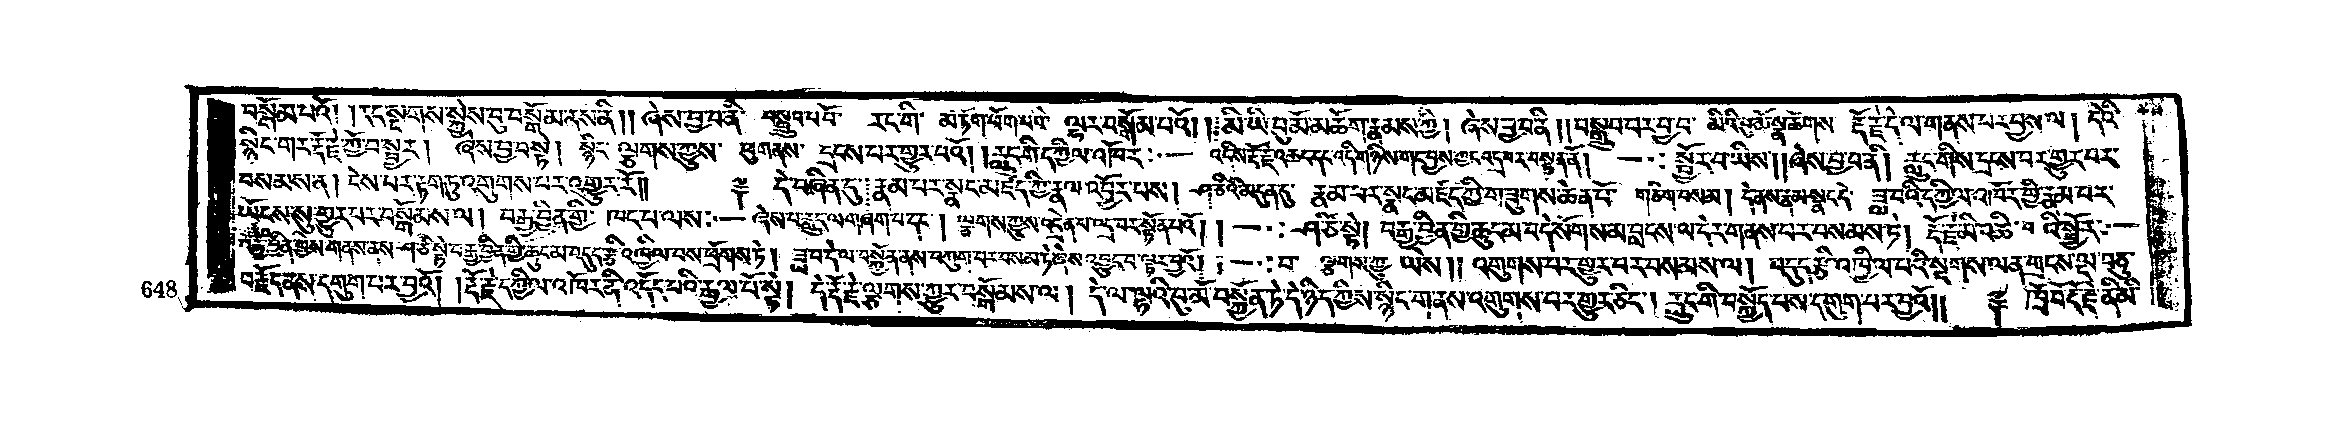བསྒོམ་པའོ། །རང་སྔགས་སྐྱེས་བུ་བསྒོམ་ནས་ནི། །ཞེས་བྱ་བ་ནི་བསྒྲུབ་པ་པོ་རང་གི་མེ་ཏོག་ཕོག་པའི་ལྷར་བསྒོམ་པའོ། །མི་ཡི་བུ་མོ་མཆོག་རྣམས་ཀྱི། ཞེས་བྱ་བ་ནི། །བསྒྲུབ་པར་བྱ་བ་མིའི་བུ་མོ་སྣ་ཚོགས་པ་རྡོ་རྗེ་དེ་ལ་གནས་པར་བྱས་ལ། དེའི་
སྙིང་གར་རྡོ་རྗེ་ཀྱོ་བ་སྦྱར། ཞེས་བྱ་བ་སྟེ། སྙིང་ལྕགས་ཀྱུས་ཕུག་ནས་དྲངས་པར་གྱུར་བའོ། །རླུང་གི་དཀྱིལ་འཁོར་H.་འདིས་རྡོ་རྗེ་འཆང་དང་འདི་གཉིས་གང་བྱས་ཀྱང་འདྲ་བར་བསྟན་ནོ།།  .H སྦྱོར་བ་ཡིས། །ཞེས་བྱ་བ་ནི། རླུང་གིས་དྲངས་པར་གྱུར་བར་
བསམས་ན། ངེས་པར་རྟག་ཏུ་འགུགས་པར་འགྱུར་རོ།། ༈ དེ་བཞིན་དུ་རྣམ་པར་སྣང་མཛད་ཀྱི་རྣལ་འབྱོར་པས། ཤ་ཅིའི་མདུན་དུ་རྣམ་པར་སྣང་མཛད་ཀྱི་གཟུགས་ཆེན་པོ་གཅིག་བསམ། དེ་ནས་རྣམ་སྣང་དེ་ཟླ་བའི་དཀྱིལ་འཁོར་གྱི་རྣམ་པར་
ཡོངས་སུ་གྱུར་པར་བསྒོམས་ལ། བརྒྱ་བྱིན་གྱི་ཁང་པ་ལས་H.་ཞེས་པ་རླུང་ལ་གཞག་པ་དང་། ལྕགས་ཀྱུས་འདྲེན་པ་འདྲ་བར་སྟོན་པའོ། །.H ཤ་ཙི་སྟེ། བརྒྱ་བྱིན་གྱི་ཆུང་མ་བདེ་སོགས་མ་བླངས་ལ་དེར་གནས་པར་བསམས་ཏེ། རྡོ་རྗེ་མི་འཆི་བའི་སྦྱོར་H.
བརྒྱ་བྱིན་གྱིས་གནས་ནས་ཤ་ཅི་སྟེ་བརྒྱ་བྱིན་གྱི་ཆུང་མ་བདུད་རྩི་འཁྱིལ་བས་ཕྲོགས་ཏེ། ཟླ་བ་དེ་ལ་བསྐྱོན་ནས་བཀུག་པར་བསམ་ཏེ་ཞེས་འབྱུང་བ་ལྟར་བྱའོ།།  .H བ་ལྕགས་ཀྱུ་ཡིས། །འགུགས་པར་གྱུར་པར་བསམས་ལ། བདུད་རྩི་འཁྱིལ་བའི་སྔགས་ལན་གྲངས་ལྔ་བཅུ་
བརྗོད་ནས་དགུག་པར་བྱའོ། །རྡོ་རྗེ་དཀྱིལ་འཁོར་ནི་འདོད་པའི་རྒྱལ་པོ་སྟེ། དེ་རྡོ་རྗེ་ལྕགས་ཀྱུར་བསྒོམས་ལ། དེ་ལ་ལྷའི་བུ་མོ་བསྐྱོན་ཏེ་དེ་ཉིད་ཀྱིས་སྙིང་ག་ནས་འགུགས་པར་གྱུར་ཅིང་། རླུང་གི་བསྐྱོད་པས་དགུག་པར་བྱའོ།། ༈ ཁྲོ་བོ་རྡོ་རྗེ་ནི་མི་